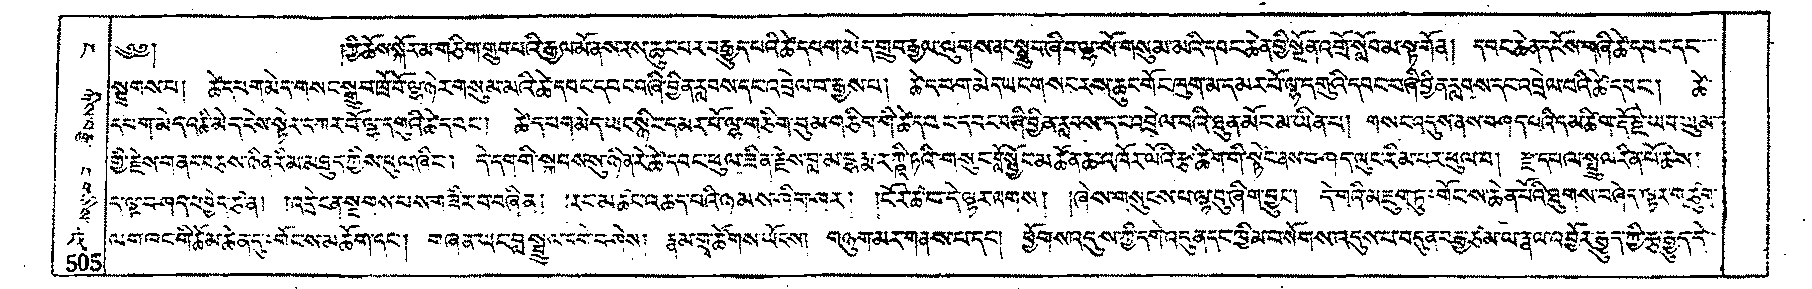༄༅། །ཀྱི་ཆོས་སྐོར་མ་གཅིག་གྲུབ་པའི་རྒྱལ་མོ་ནས་རས་ཆུང་པར་བརྒྱུད་པའི་ཚེ་དཔག་མེད་གྲུབ་རྒྱལ་ལུགས་ནང་སྒྲུབ་ཞི་བ་ལྷ་སོ་གསུམ་མའི་དབང་ཆེན་གྱི་སྔོན་འགྲོ་སློབ་མ་སྟ་གོན། དབང་ཆེན་དངོས་གཞི་ཚེ་དབང་དང་
སྦྲགས་པ། ཚེ་དཔག་མེད་གསང་སྒྲུབ་ཁྲོ་བོ་ལྷ་ཉེར་གསུམ་མའི་ཚེ་དབང་དབང་བཞི་བྱིན་རླབས་དང་འབྲེལ་བ་རྒྱས་པ། ཚེ་དཔག་མེད་ཡང་གསང་རས་ཆུང་གོང་ཁུག་མ་དམར་པོ་ལྷ་དགུའི་དབང་བཞི་བྱིན་རླབས་དང་འབྲེལ་བའི་ཚེ་དབང་། ཚེ་
དཔག་མེད་འཆི་མེད་ངེས་སྟེར་དཀར་པོ་ལྷ་དགུའི་ཚེ་དབང་། ཚེ་དཔག་མེད་ཡང་སྙིང་དམར་པོ་ལྷ་གཅིག་བུམ་གཅིག་གི་ཚེ་དབང་དབང་བཞི་བྱིན་རླབས་དང་འབྲེལ་བའི་ཐུན་མོང་མ་ཡིན་པ། གསང་འདུས་ནས་བཤད་པའི་དམ་ཚིག་རྡོ་རྗེ་ཡབ་ཡུམ་
གྱི་རྗེས་གནང་བཅས་ཉིན་རིམ་མཐུད་ཀྱིས་ཕུལ་ཞིང་། དེ་དག་གི་སྐབས་སུ་ཉིན་རེ་ཚེ་དབང་ཕུལ་ཟིན་རྗེས་བླ་མ་དྷརྨ་རཀྵི་ཏའི་གསུང་བློ་སྦྱོང་མཚོན་ཆ་འཁོར་ལོའི་རྩ་ཚིག་གི་སྟེང་ནས་བཤད་ལུང་རིམ་པར་ཕུལ་བ། རྫ་དཔལ་སྤྲུལ་རིན་པོ་ཆེས།
ད་ལྟ་བཤད་པ་བྱེད་ཙ་ན། །འདྲེ་ངན་སྔགས་པས་གཟིར་པ་བཞིན། །རང་མཚང་འཆད་པའི་ཉམས་ཤིག་ཤར། །ངོ་རེ་ཚ་བ་དེ་ལྟར་ལགས། །ཞེས་གསུངས་པ་ལྟ་བུ་ཞིག་བྱུང་། དེ་གའི་མཇུག་ཏུ་༧གོང་ས་ཆེན་པོའི་ཐུགས་བཞེད་ལྟར་གཙུག་
ལག་ཁང་གི་ཚོམ་ཆེན་དུ་༧གོང་ས་མཆོག་དང་། གཞན་ཡང་བླ་སྤྲུལ་དགེ་བཤེས། རྣམ་གྲྭ་ཚོགས་ཡོངས། གཉུག་མར་གནས་པ་དང་། ཕྱོགས་འདུས་ཀྱི་དགེ་འདུན་དང་ཁྱིམ་པ་སོགས་འདུས་པ་བདུན་བརྒྱ་ཙམ་ལ་རྣལ་འབྱོར་རྒྱུད་ཀྱི་རྩ་རྒྱུད་དེ་